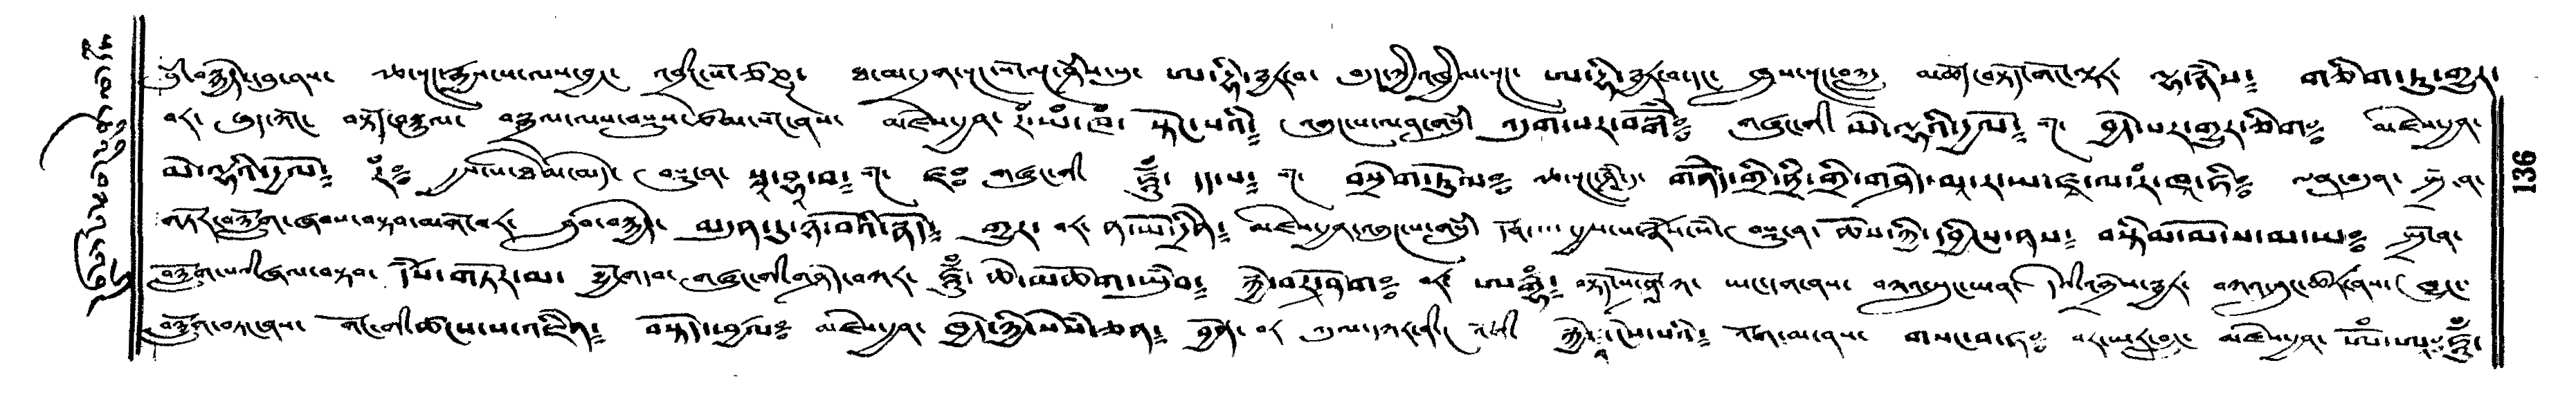བུམ་སྐྱེད་དབུ་ནས། རྩ་སྔགས་རྒྱས་པ་ལས་བྱང་། འབྲིང་པོ་ཙཎྜ། ཐ་མ་དྲག་སྔགས་སོ་ལྔའི་གཤམ་དུ། ཨ་དྷི་སྦྱར་བ། བདུད་རྩི་འཁྱིལ་སྔགས། ཨ་དྷི་སྦྱར་བ་དང་། ཁྲུས་སྔགས་བཟླ། མཆོད་བསྟོད་གོང་ལྟར། ལྷ་རྣམས༴ གཅིག་ཏུ་གྱུར། 
བར། ཕུད་སྐོང་། བསྟོད་བསྐུལ། བསྒྲལ་ལས་བསྡུས་ཙམ་སོང་ནས། མཛེས་རྒྱན། རྃ་ཡྃ་ཁྃ། སྟོང་པའི༴ འགུགས་པ་ལན་གསུམ། འདུག་པར་བསྒོམ༔ གཞུང་གི མེ་ལྷའི་རྒྱལ་པོ༴ སོགས། བྱེད་པར་གྱུར་ཅིག༔ མཛེས་རྒྱན། 
མེ་ལྷའི་རྒྱལ་པོ༴ རྃ༔ རྒྱས་པ་ཐེམ་མེད།བསྡུ་ན། སྭ་བྷཱ་བ༴ སོགས། ཛཿ གཞུང་གི ཧཱུྃ༔ དད་པ༴ སོགས། སྲེག་ཏུ་གསོལ༔ རྩ་སྔགས་གཤམ་དུ། གནོད་བྱེད་གྲི་སྲི་གྲི་གཤེད་མཱ་ར་ཡ་ཛྭ་ལཁ་རཾ་ཁཱ་ཧི༔ ལན་བདུན། སྤྲོ་ན་
གཏོར་ཟློག་ཞལ་བསྟབ་མགོ་བར། བྲུབ་སྐྱེད། མདུན་དུ་ཉ་བོའི་སྣོད༴ གྱུར༔ བར། ན་མོ་དྲིན་ཆེན༴ མཛེས་རྒྱན་འགུགས་པ་གསུམ། དོན་ལ་རྒྱས་པ་རྣམས་སམ། བསྡུ་ན། ཆོས་ཀྱི་དབྱིངས་ནས༴ བསྟིམ་མོ་ས་མ་ཡ༔ སྤྲོ་ན་
བཟློག་པའི་ཞལ་བསྟབ། དམ་རྫས་གཏོར་མ། བྷྱོ་གདབ། གཞུང་གི་གཤེད་བཀར། ཧཱུྃ༔ ཆེ་མཆོག་ཡབ་ཡུམ༴ སྐྱེ་བར་ཤོག༔ བར། ཨརྒྷཾ༴ བསྟོད་པ་ཤོ་ལོ་ཀ ཡང་དག་ནས། བཀའ་སྲུང་ཡན། དེའི་འགྲོས་སྦྱར། བཀའ་སྲུང་ཚར་རྗེས། ཁྱུང་
ཟློག་བཏང་། གོང་གི་ཚངས་པ་འཛིན་ཆེན༴ བསྟོད་ཕྱག་འཚལ༴ མཛེས་རྒྱན། ཁྱོད་ཀྱི་སེམས་ཅན༴ བྱོན། བར། འདུལ་དཀར་ནི། འོག་གི སྐྱེ་བ་ངེས་པའི༴ འོག་མ་ནས། གསང་བར་ཧ༔ བར་ཡར་བླང་། མཛེས་རྒྱན། ཨོཾ་ཨཱཿཧཱུྃ༔